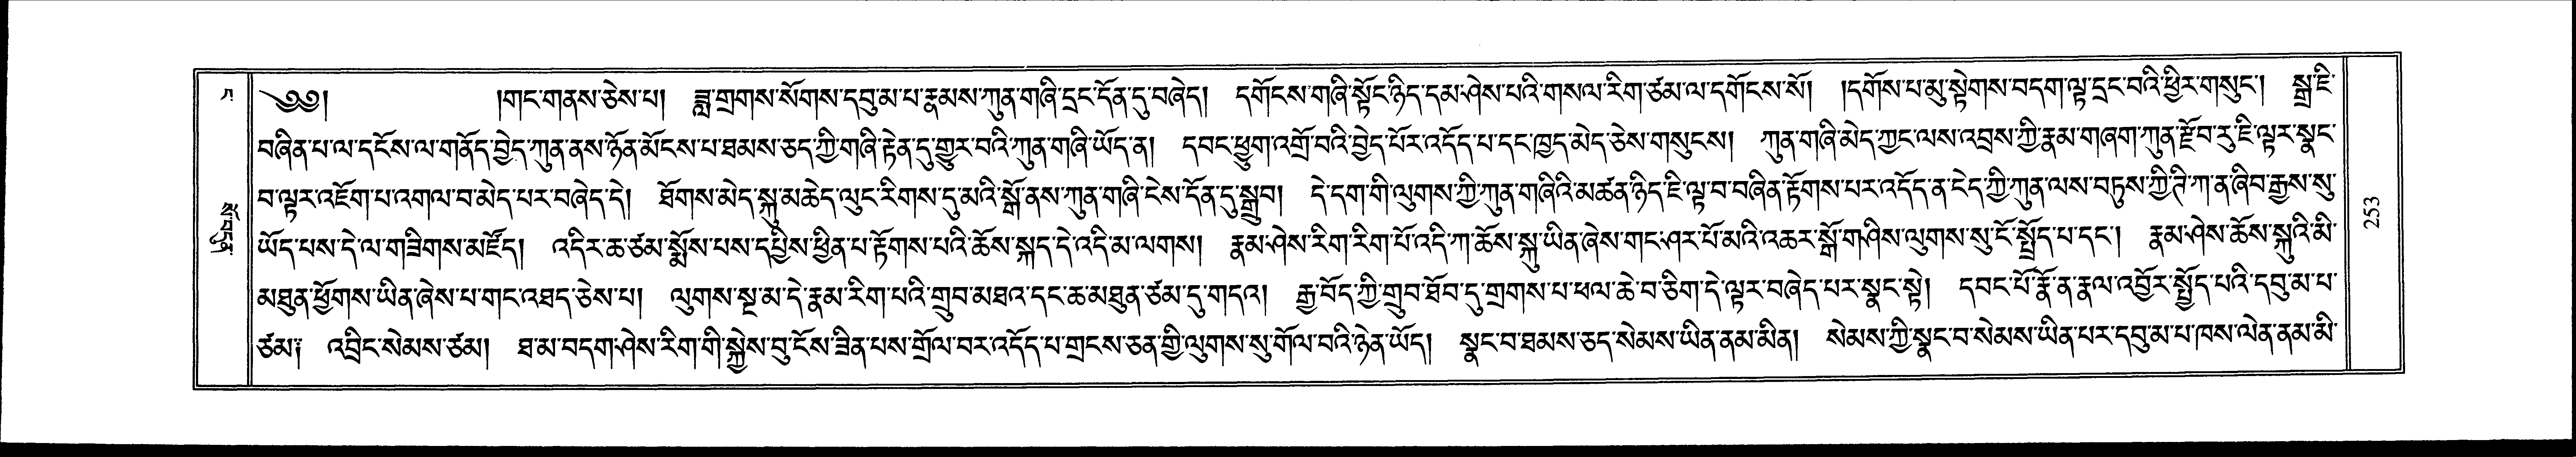༄༅། །གང་གནས་ཅེས་པ། ཟླ་གྲགས་སོགས་དབུ་མ་པ་རྣམས་ཀུན་གཞི་དྲང་དོན་དུ་བཞེད། དགོངས་གཞི་སྟོང་ཉིད་དམ་ཤེས་པའི་གསལ་རིག་ཙམ་ལ་དགོངས་སོ། །དགོས་པ་མུ་སྟེགས་བདག་ལྟ་དྲང་བའི་ཕྱིར་གསུང་། སྒྲ་ཇི་
བཞིན་པ་ལ་དངོས་ལ་གནོད་བྱེད་ཀུན་ནས་ཉོན་མོངས་པ་ཐམས་ཅད་ཀྱི་གཞི་རྟེན་དུ་གྱུར་བའི་ཀུན་གཞི་ཡོད་ན། དབང་ཕྱུག་འགྲོ་བའི་བྱེད་པོར་འདོད་པ་དང་ཁྱད་མེད་ཅེས་གསུངས། ཀུན་གཞི་མེད་ཀྱང་ལས་འབྲས་ཀྱི་རྣམ་གཞག་ཀུན་རྫོབ་རུ་ཇི་ལྟར་སྣང་
བ་ལྟར་འཇོག་པ་འགལ་བ་མེད་པར་བཞེད་དེ། ཐོགས་མེད་སྐུ་མཆེད་ལུང་རིགས་དུ་མའི་སྒོ་ནས་ཀུན་གཞི་ངེས་དོན་དུ་སྒྲུབ། དེ་དག་གི་ལུགས་ཀྱི་ཀུན་གཞིའི་མཚན་ཉིད་ཇི་ལྟ་བ་བཞིན་རྟོགས་པར་འདོད་ན་ངེད་ཀྱི་ཀུན་ལས་བཏུས་ཀྱི་ཊི་ཀ་ན་ཞིབ་རྒྱས་སུ་
ཡོད་པས་དེ་ལ་གཟིགས་མཛོད། འདིར་ཆ་ཙམ་སྨོས་པས་དཔྱིས་ཕྱིན་པ་རྟོགས་པའི་ཆོས་སྐད་དེ་འདི་མ་ལགས། རྣམ་ཤེས་རིག་རིག་པོ་འདི་ཀ་ཆོས་སྐུ་ཡིན་ཞེས་གང་ཤར་པོ་མའི་འཆར་སྒོ་གཤིས་ལུགས་སུ་ངོ་སྤྲོད་པ་དང་། རྣམ་ཤེས་ཆོས་སྐུའི་མི་
མཐུན་ཕྱོགས་ཡིན་ཞེས་པ་གང་འཐད་ཅེས་པ། ལུགས་སྔ་མ་དེ་རྣམ་རིག་པའི་གྲུབ་མཐའ་དང་ཆ་མཐུན་ཙམ་དུ་གདའ། རྒྱ་བོད་ཀྱི་གྲུབ་ཐོབ་དུ་གྲགས་པ་ཕལ་ཆེ་བ་ཅིག་དེ་ལྟར་བཞེད་པར་སྣང་སྟེ། དབང་པོ་རྣོ་ན་རྣལ་འབྱོར་སྤྱོད་པའི་དབུ་མ་པ་
ཙམ། འབྲིང་སེམས་ཙམ། ཐ་མ་བདག་ཤེས་རིག་གི་སྐྱེས་བུ་ངོས་ཟིན་པས་གྲོལ་བར་འདོད་པ་གྲངས་ཅན་གྱི་ལུགས་སུ་གོལ་བའི་ཉེན་ཡོད། སྣང་བ་ཐམས་ཅད་སེམས་ཡིན་ནམ་མིན། སེམས་ཀྱི་སྣང་བ་སེམས་ཡིན་པར་དབུ་མ་པ་ཁས་ལེན་ནམ་མི་